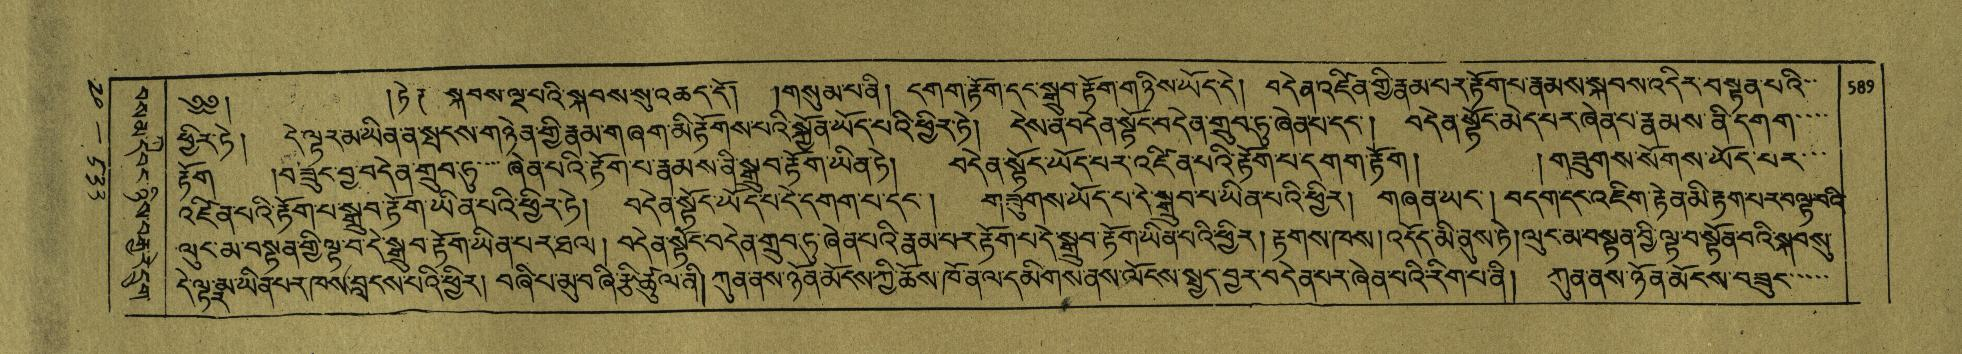༄༅། །ཏེ༑ སྐབས་ལྔ་པའི་སྐབས་སུ་འཆད་དོ། །གསུམ་པ་ནི། དགག་རྟོག་དང་སྒྲུབ་རྟོག་གཉིས་ཡོད་དེ། བདེན་འཛིན་གྱི་རྣམ་པར་རྟོག་པ་རྣམས་སྐབས་འདིར་བསྟན་པའི་
ཕྱིར་ཏེ། དེ་ལྟར་མ་ཡིན་ན་སྤངས་གཉེན་གྱི་རྣམ་གཞག་མི་རྟོགས་པའི་སྐྱོན་ཡོད་པའི་ཕྱིར་ཏེ། དེས་ན་བདེན་སྟོང་བདེན་གྲུབ་ཏུ་ཞེན་པ་དང་། བདེན་སྟོང་མེད་པར་ཞེན་པ་རྣམས་ནི་དགག་
རྟོག །བཟུང་བྱ་བདེན་གྲུབ་ཏུ་ཞེན་པའི་རྟོག་པ་རྣམས་ནི་སྒྲུབ་རྟོག་ཡིན་ཏེ། བདེན་སྟོང་ཡོད་པར་འཛིན་པའི་རྟོག་པ་དགག་རྟོག། །གཟུགས་སོགས་ཡོད་པར་
འཛིན་པའི་རྟོག་པ་སྒྲུབ་རྟོག་ཡིན་པའི་ཕྱིར་ཏེ། བདེན་སྟོང་ཡོད་པ་དེ་དགག་པ་དང་། གཟུངས་ཡོད་པ་དེ་སྒྲུབ་པ་ཡིན་པའི་ཕྱིར། གཞན་ཡང་། བདག་དང་འཇིག་རྟེན་མི་རྟག་པར་བལྟ་བའི་
ལུང་མ་བསྟན་གྱི་ལྟ་བ་དེ་སྒྲུབ་རྟོག་ཡིན་པར་ཐལ། བདེན་སྟོང་བདེན་གྲུབ་ཏུ་ཞེན་པའི་རྣམ་པར་རྟོག་པ་དེ་སྒྲུབ་རྟོག་ཡིན་པའི་ཕྱིར། རྟགས་ཁས། འདོད་མི་ནུས་ཏེ། ལུང་མ་བསྟན་བྱི་ལྟ་བ་སྟོན་པའི་སྐབསུ་
དེ་ལྟར་མ་ཡིན་པར་ཁས་བླངས་པའི་ཕྱིར། བཞི་པ་མུ་བཞི་རྩི་ཚུལ་ནི། ཀུན་ནས་ཉོན་མོངས་ཀྱི་ཆོས་ཁོ་ན་ལ་དམིགས་ནས་ལོངས་སྤྱད་བྱར་བདེན་པར་ཞེན་པའི་རིག་པ་ནི། ཀུན་ནས་ཉོན་མོངས་བཟུང་